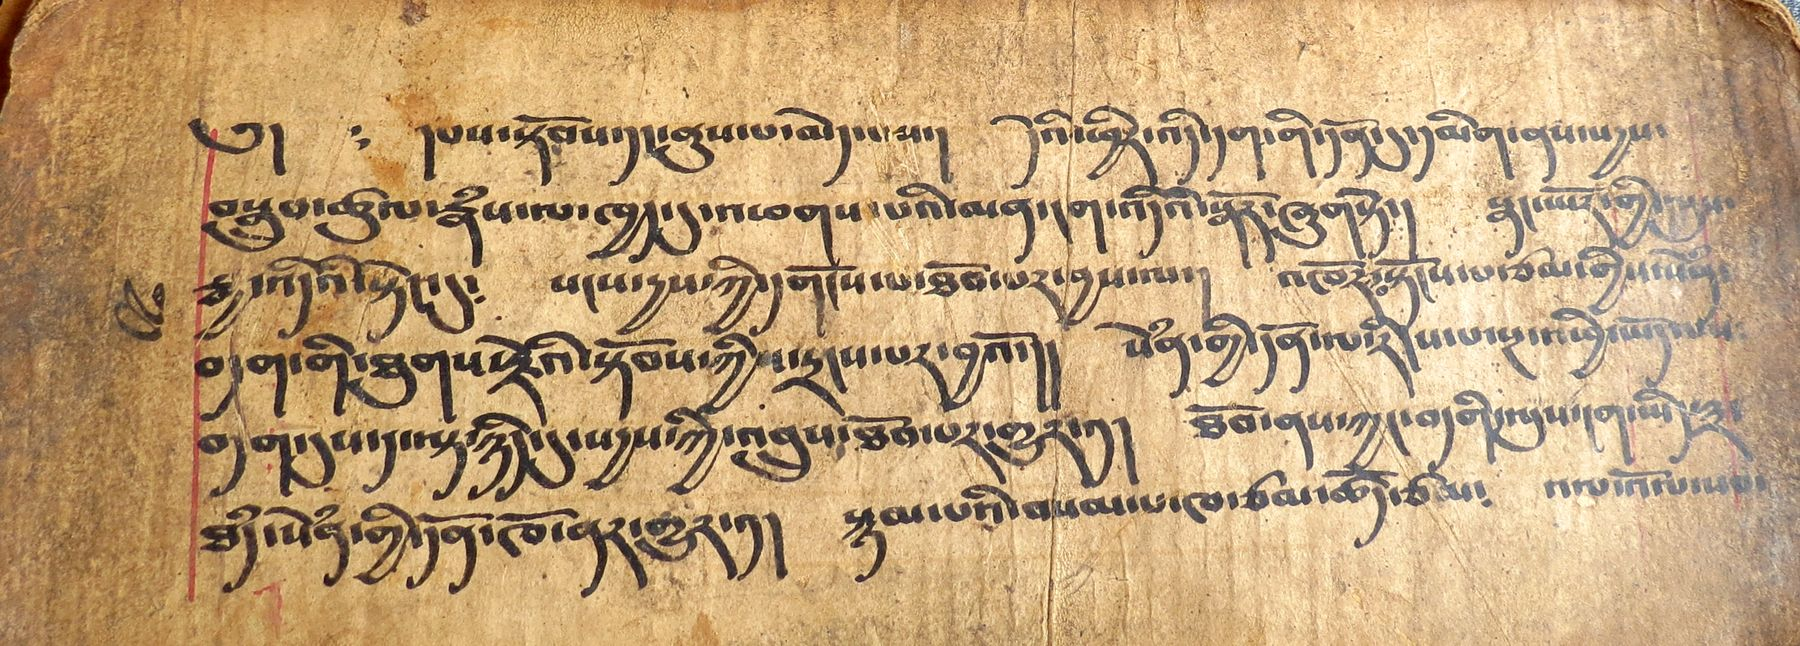པས་སྟོབས་དང་ནུས་པ་མེད། དེའི་ཕྱིར་འདི་དག་གི་དོན་དུ་དམིགས་ནས། སངས་རྒྱས་
སྒྲུབ་ཚུལ་རྣམས་ལས་ཁྱད་དུ་འཕགས་པའི་མན་ངག་འདིའི་སྒོར་ཞུགས་ཏེ། སྣང་ཡོར་གྱི་ལུས་
རྒྱ་འདིའི་སྟེང་དུ་སངས་རྒྱས་ཀྱི་དགོངས་པ་ཐོབ་པར་བྱས་ལ། འཁོར་བ་སྟོང་པ་ཙམ་གྱི་སེམས་ཅན་
བདག་གི་ཐུགས་རྗེའི་སྟོབས་ཀྱིས་དྲང་པར་བྱའོ། སེམས་ཅན་གྱི་དོན་ལ་རིངས་པ་༼རིང་ཐུང་དང་༽སྔ་ཕྱི་ཡོད་པས། 
བདག་དུས་ད་ལྟ་ཉིད་དུ་སངས་རྒྱས་ཀྱི་འབྲས་བུ་ཐོབ་པར་གྱུར་ཅིག ཐོབ་ནས་ཀྱང་བདག་གི་ལུས་ངག་ཡིད་གསུམ་
ཐམས་ཅད་སེམས་ཅན་གྱི་དོན་ཁོ་ནར་གྱུར་ཅིག སྙམ་པའི་བསམ་པ་ཁ་ཙམ་ཚོད་ཙམ་འལ་འོལ་སབ་